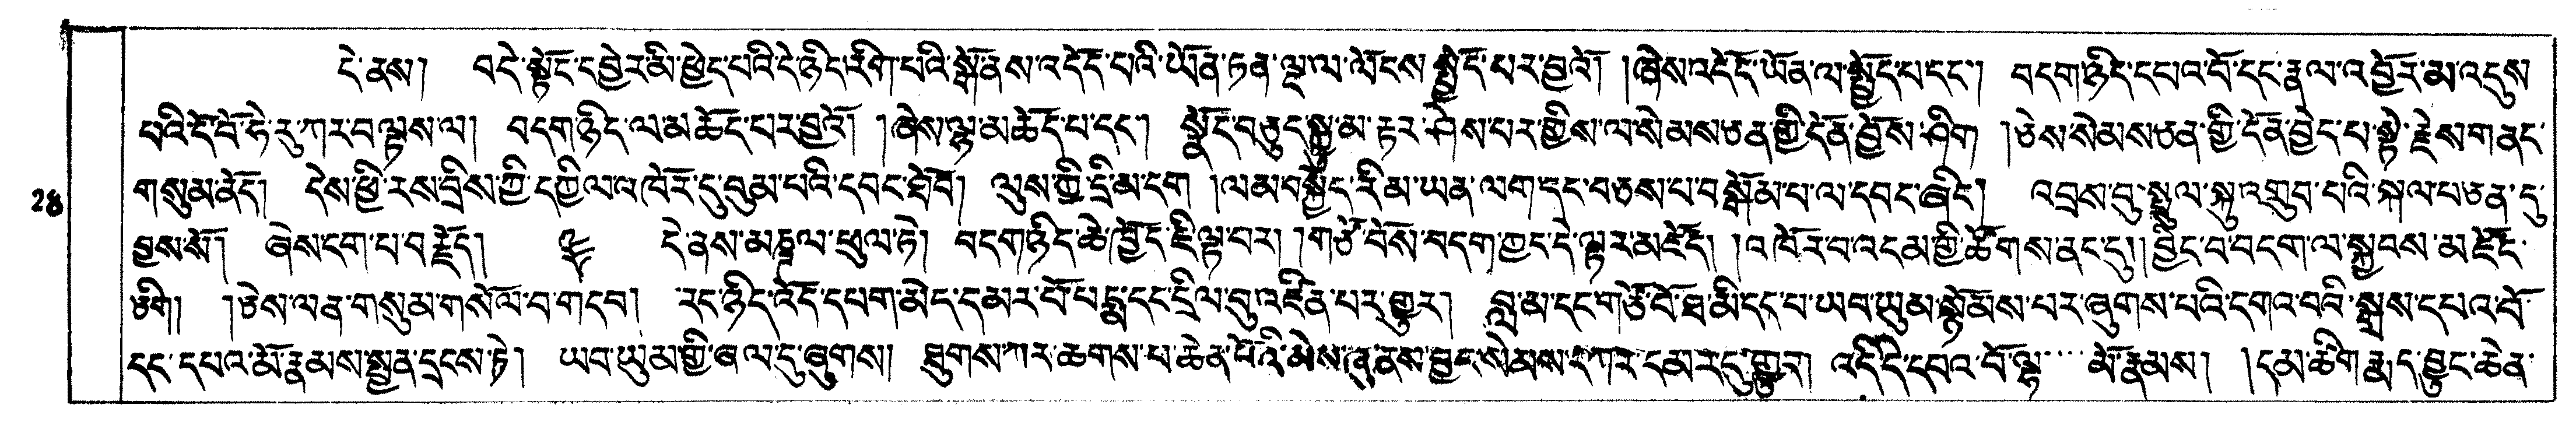དེ་ནས། བདེ་སྟོང་དབྱེར་མི་ཕྱེད་པའི་དེ་ཉིད་རིག་པའི་སྒོ་ནས་འདོད་པའི་ཡོན་ཏན་ལྔ་ལ་ལོངས་སྤྱོད་པར་བྱའོ། །ཞེས་འདོད་ཡོན་ལ་སྤྱོད་པ་དང་། བདག་ཉིད་དཔའ་བོ་དང་རྣལ་འབྱོར་མ་འདུས་
པའི་ངོ་བོ་ཧེ་རུ་ཀར་བལྟས་ལ། བདག་ཉིད་ལ་མཆོད་པར་བྱའོ། །ཞེས་ལྷ་མཆོད་པ་དང་། སྣོད་བཅུད་སྐྱུ་མ་རྟར་ཤེས་པར་གྱིས་ལ་སེམས་ཅན་གྱི་དོན་བྱོས་ཤིག །ཅེས་སེམས་ཅན་གྱི་དོན་བྱེད་པ་སྟེ་རྗེས་གནང་
གསུམ་ནོད། དེས་ཕྱི་རས་བྲིས་ཀྱི་དཀྱིལ་འཁོར་དུ་བུམ་པའི་དབང་ཐོབ། ལུས་ཀྱི་དྲི་མ་དག །ལམ་བསྐྱོད་རིམ་ཡན་ལག་དང་བཅས་པ་བསྒོམ་པ་ལ་དབང་ཞིང་། འབྲས་བུ་སྤྲུལ་སྐུ་འགྲུབ་པའི་སྐལ་པ་ཅན་དུ་
བྱས་སོ། ཞེས་དག་པ་བརྗོད། ༈ དེ་ནས་མཎྜལ་ཕུལ་ཏེ། བདག་ཉིད་ཆེ་ཁྱོད་ཇི་ལྟ་བར། །གཙོ་བོས་བདག་ཀྱང་དེ་ལྟར་མཛོད། །འཁོར་བ་འདམ་གྱི་ཚོགས་ནང་དུ། །བྱིང་བ་བདག་ལ་སྐྱབས་མཛོད་
ཅིག ། །ཅེས་ལན་གསུམ་གསོལ་བ་གདབ། རང་ཉིད་འོད་དཔག་མེད་དམར་པོ་པདམ་དང་དྲིལ་བུ་འཛིན་པར་གྱུར། བླ་མ་དང་གཙོ་བོ་ཐ་མི་དད་པ་ཡབ་ཡུམ་སྙོམས་པར་ཞུགས་པའི་དགའ་བའི་སྒྲས་དཔའ་བོ་
དང་དཔའ་མོ་རྣམས་སྤྱན་དྲངས་ཏེ། ཡབ་ཡུམ་གྱི་ཞལ་དུ་ཞུགས། ཐུགས་ཀར་ཆགས་པ་ཆེན་པོའི་མེས་ཞུ་ནས་བྱང་སེམས་དཀར་དམར་དུ་གྱུར། འདི་དེ་དཔའ་བོ་ལྷ་མོ་རྣམས། །དམ་ཚིག་རྨད་བྱུང་ཆེན་